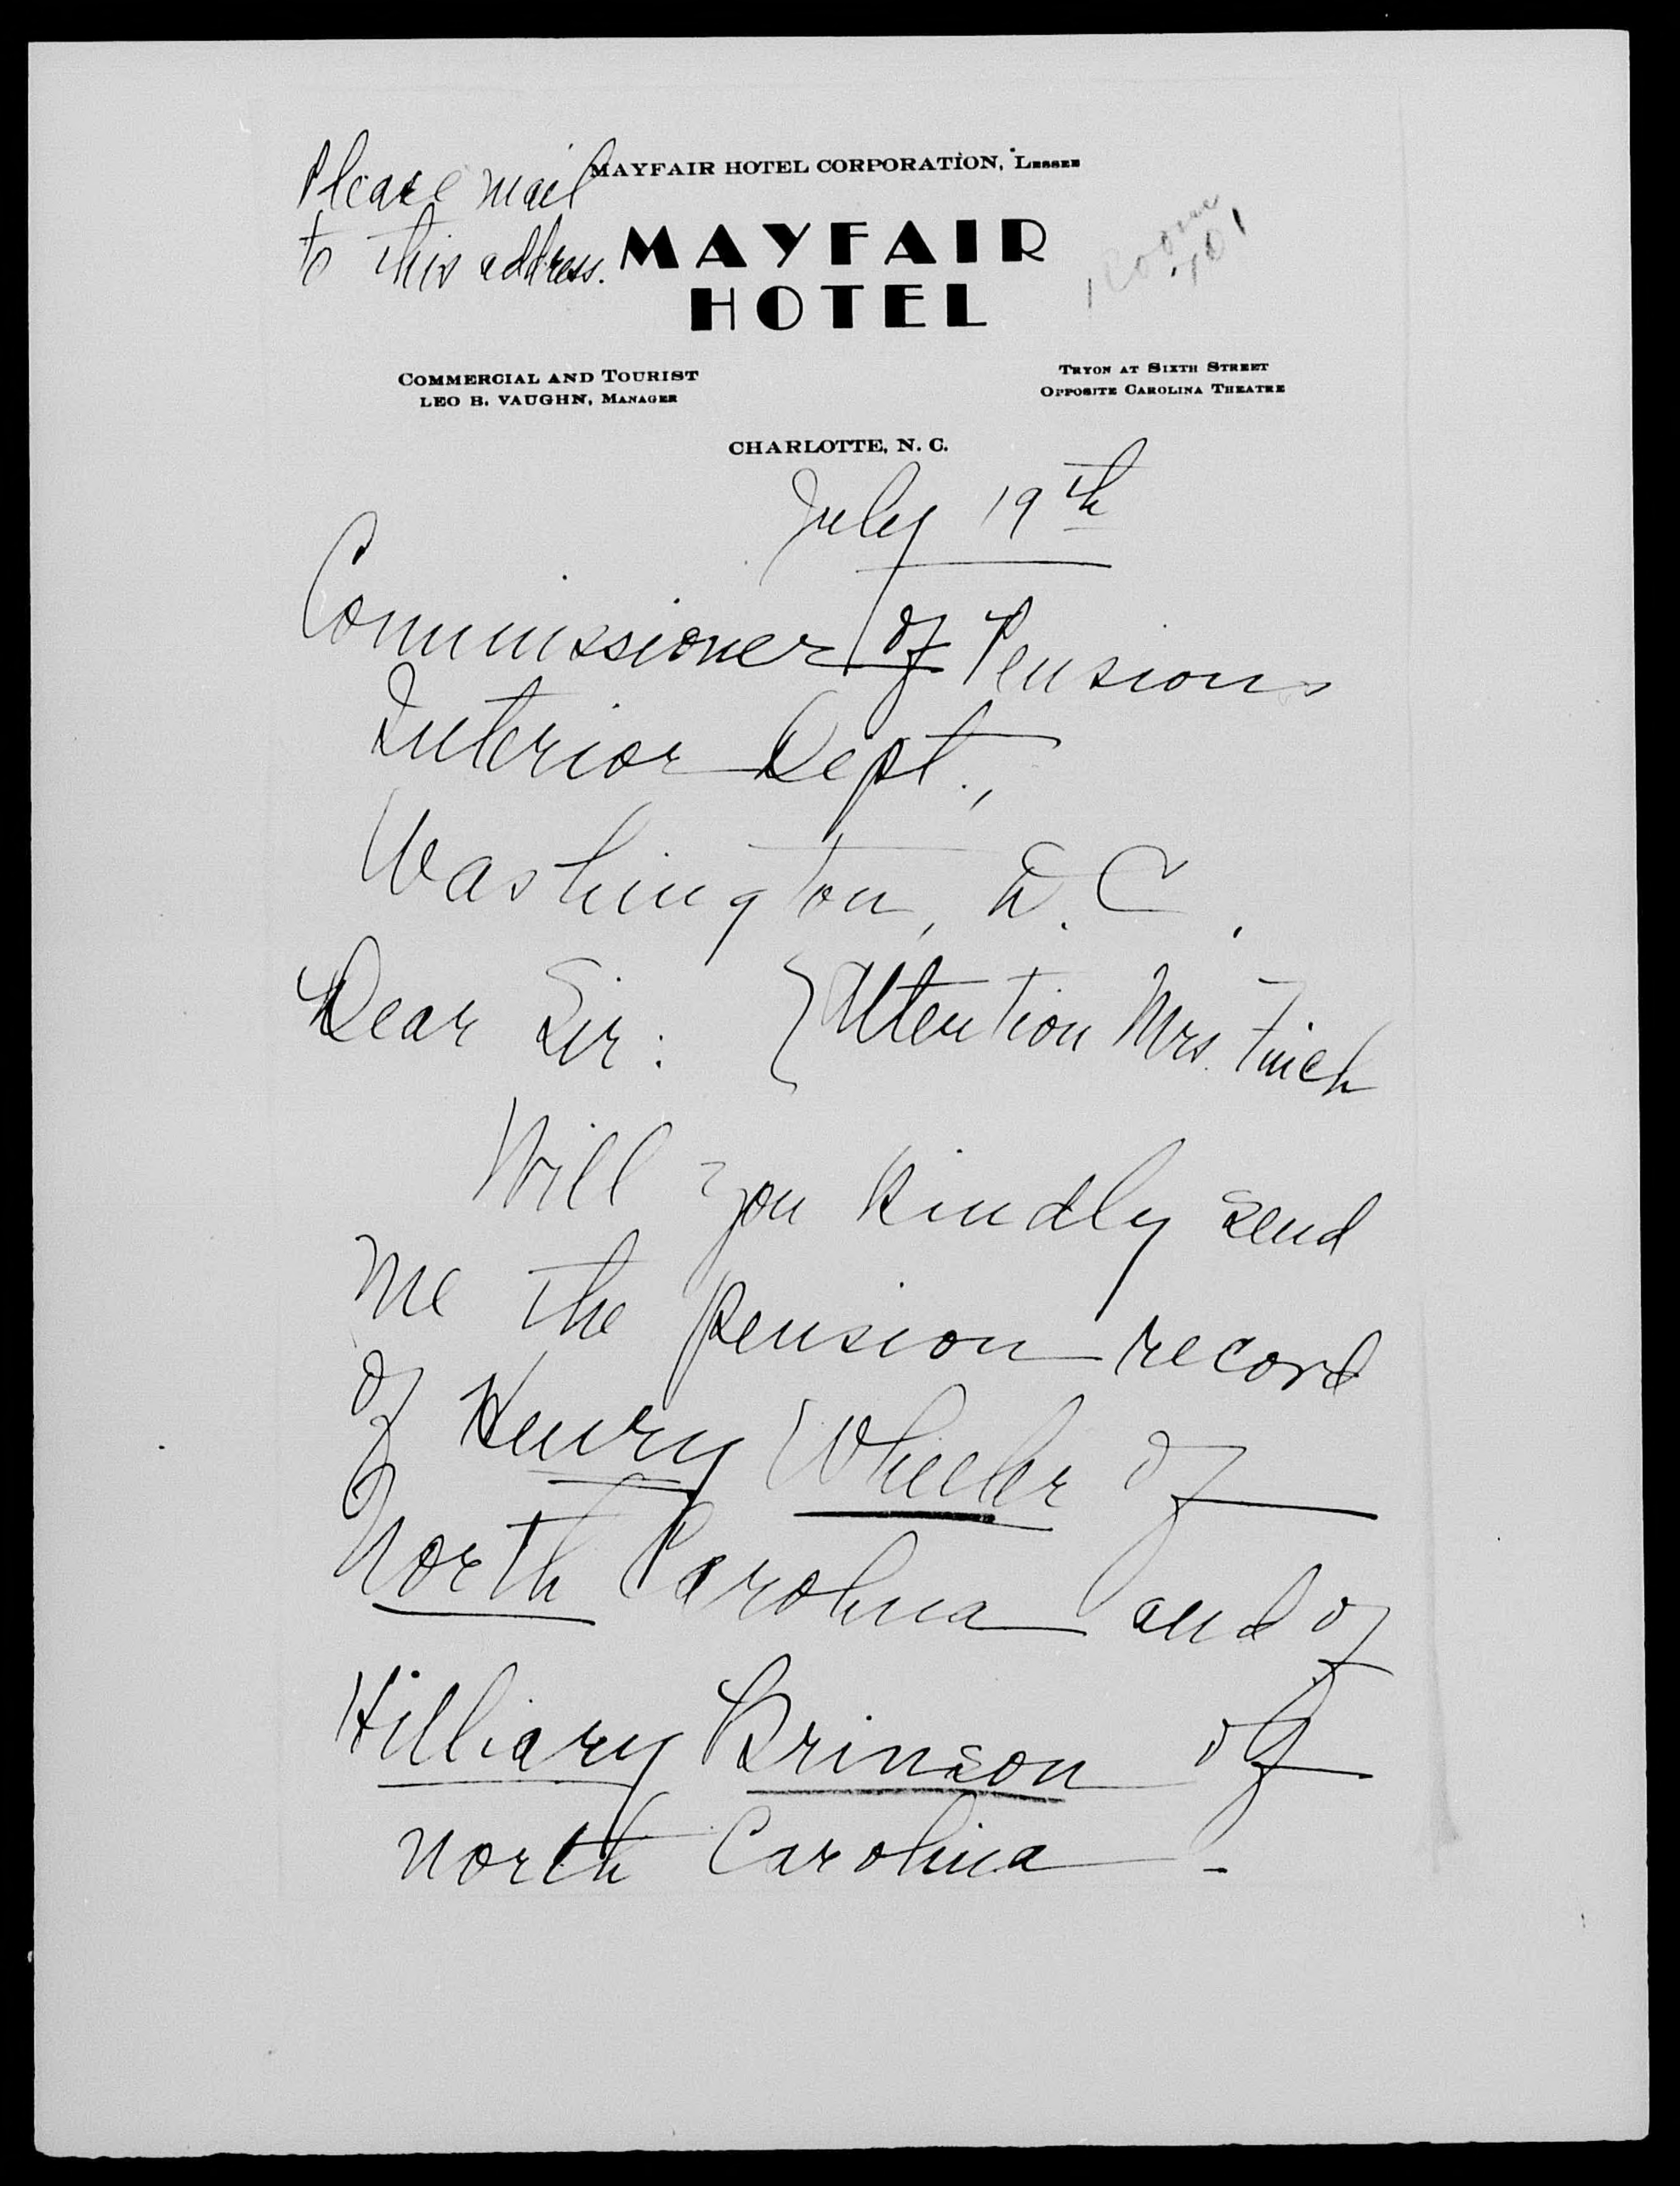[letterhead] 
Mayfair Hotel Corporation, Lessee  
Mayfair Hotel   Room 701
Commercial and Tourist Leo B. Vaughn, Manager  
Tryon at Sixth Street  
Opposite Carolina Theatre  
Charlotte, N.C. 

Please mail to this address.

July 19th

Commissioner of Pensions
Interior Dept.
Washington D.C.

Dear Sir:  Attention Mrs. Finch

Will you kindly send me the pension record of Henry Wheeler of North Carolina and Hillary Brinson of North Carolina-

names: Finch, Hilliary Brinson, Henry Wheeler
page: 34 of 38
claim: widow's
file: W. 5231, Hilary Brinson, N.C.